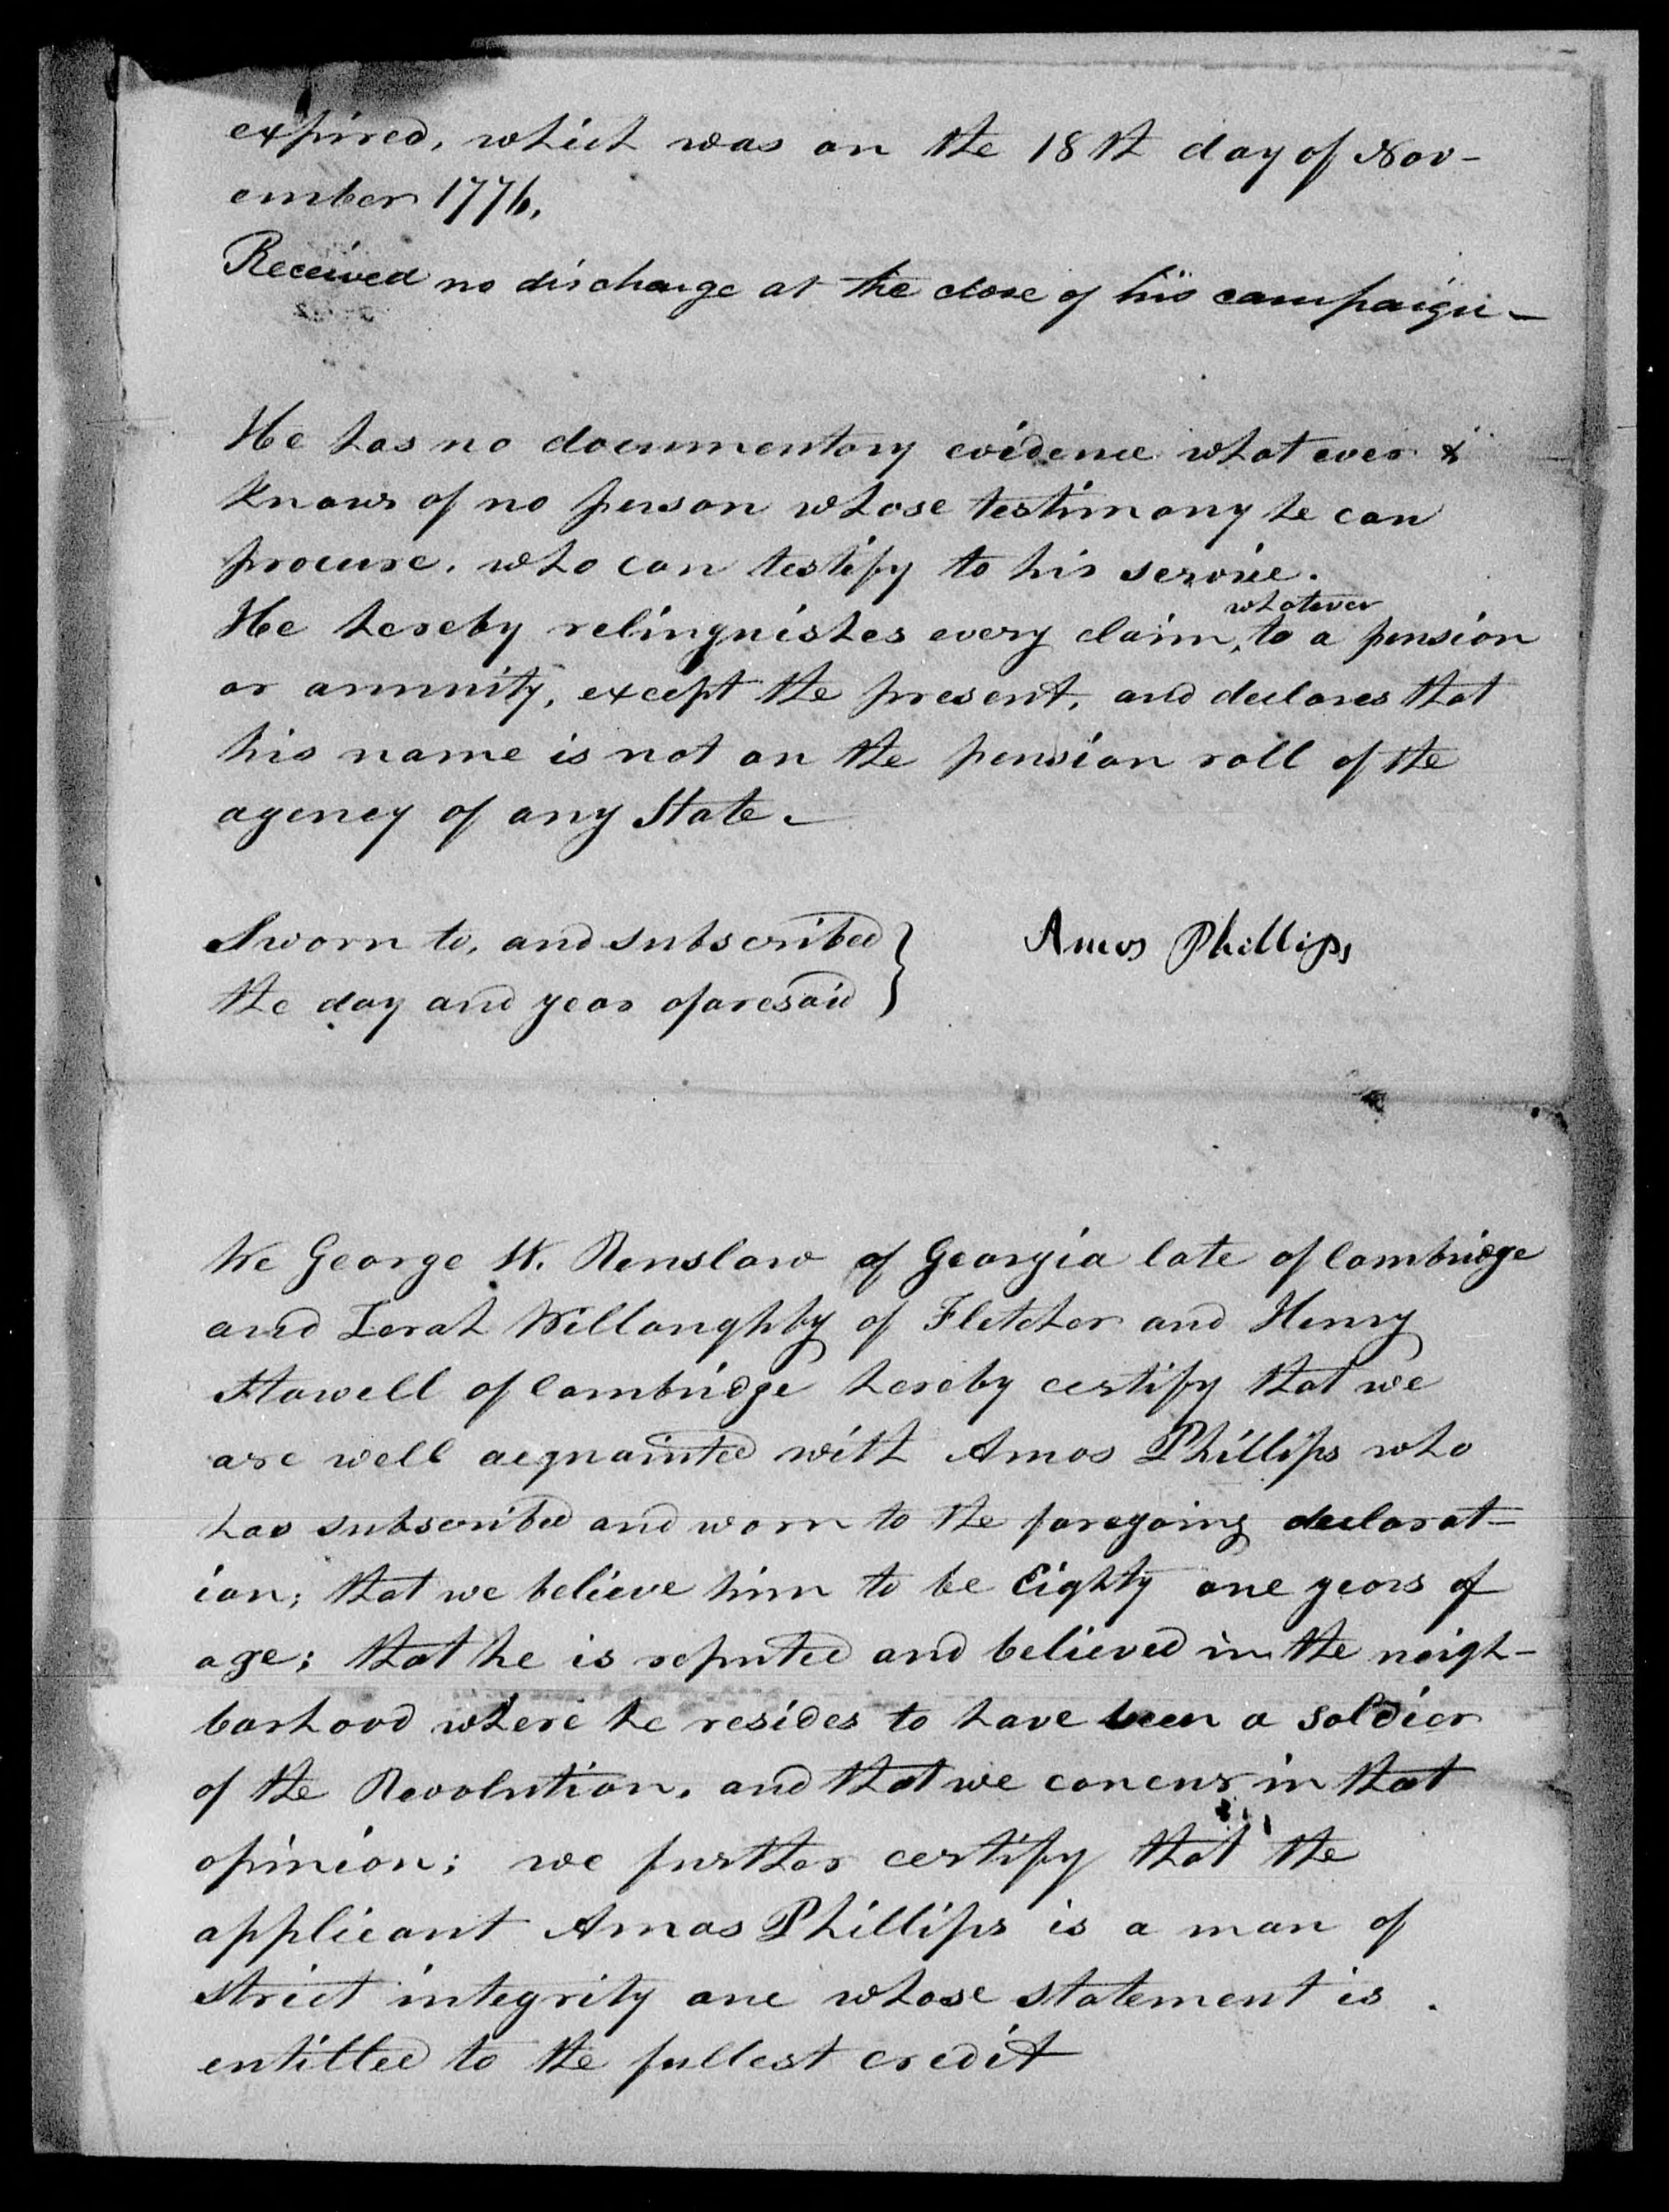expired, which was on the 18th day of Nov
ember 1776, Received no discharge at the close of his campaign-
He has no documentary evidence whatever &
knows of no person whose testimony he can
procure, who can testify to his service. He hereby relinquishes every claim whatever to a pension or annuity, except the present, and declares that his name is not on the pension roll of the agency of any State
Sworn to and subscribed
the day and year aforesaid ⎬ Amos Phillips
We George W. Renslow of Georgia late of Cambridge and Sarah Willoughby of Fletcher and Henry Stowell of Cambridge hereby certify that we are well acquainted with Amos Phillips who has subscribed and worn to the foregoing declaration, that we believe him to be Eighty one years of age; that he is reputed and believed in the neighborhood where he resides to have been a soldier of the Revolution, and that we concur in that opinion; we further certify that the applicant Amos Phillips is a man of strict integrity one whose statement is entitled to the fullest credit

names: Amos Phillips; Zerah Willoughby; Henry Stowell; George W Renslow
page: 13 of 26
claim: widow's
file: W. 26,886, for Amos Phillips, Massachusetts